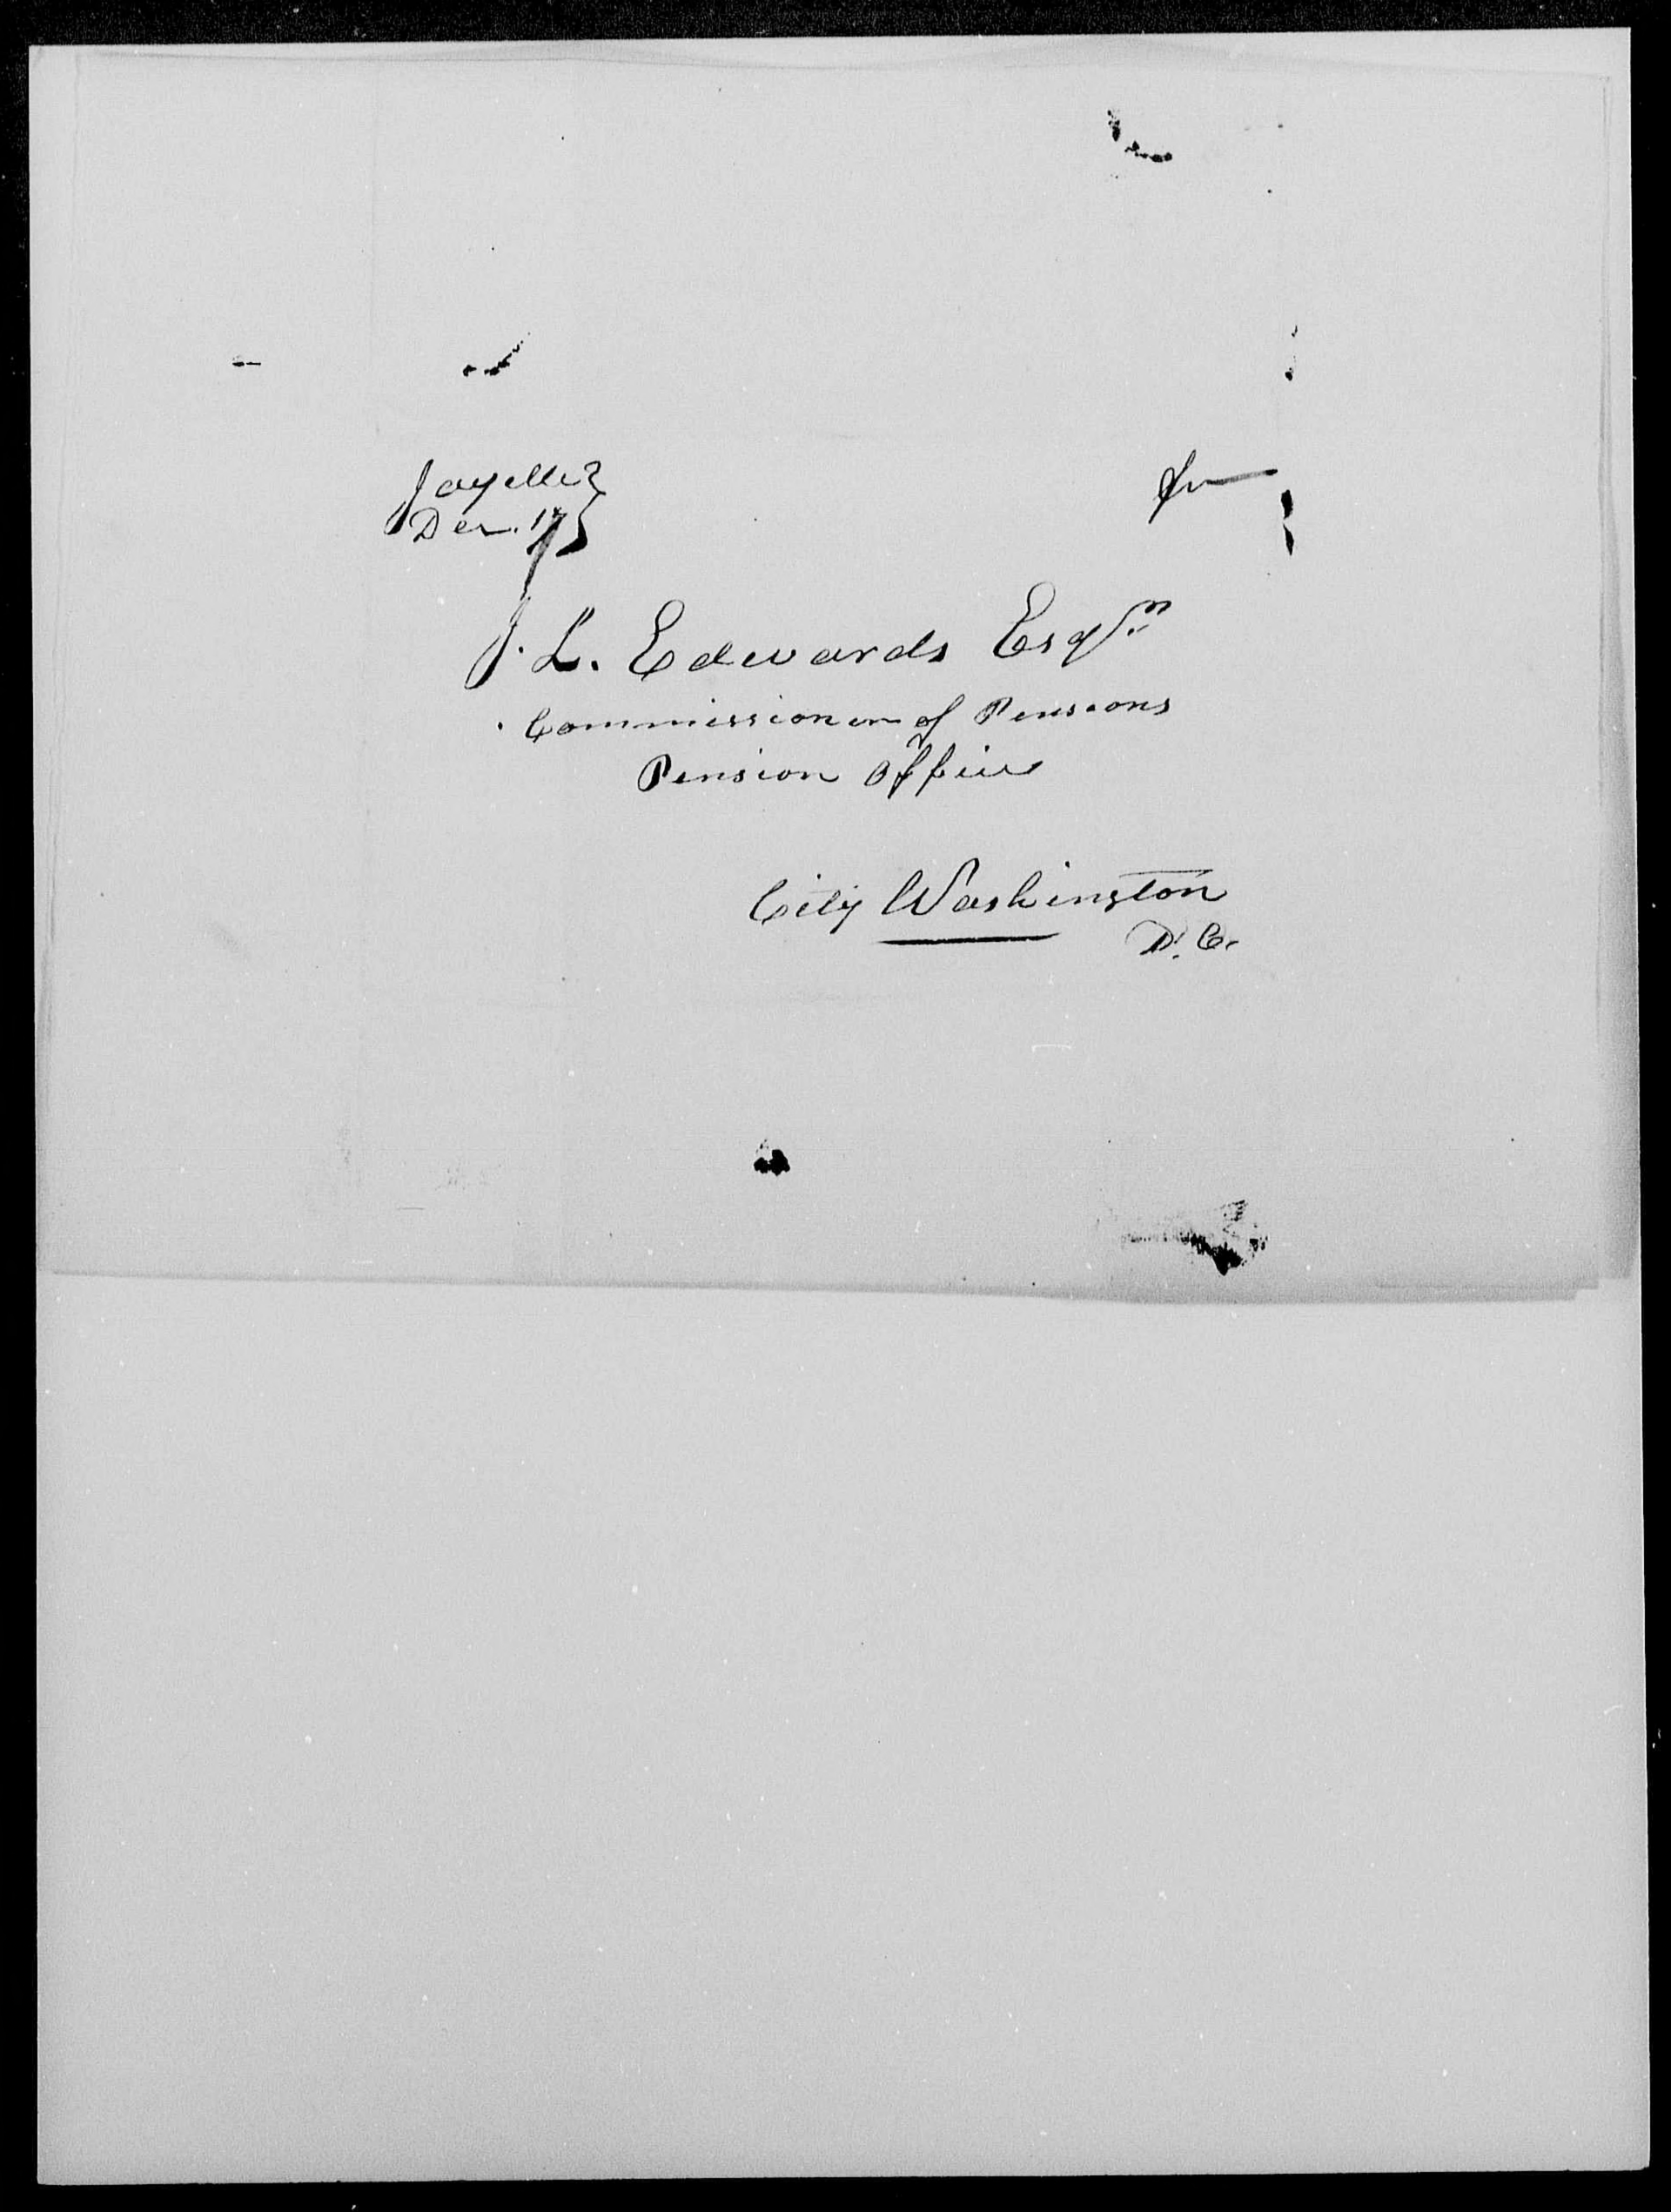Jayelle}   jfm
Dec. 17}

J. L. Edwards Esq.
Commissioner of Pensions
Pension Office

City Washington D. C.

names: J L Edwards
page: 25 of 39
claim: widow's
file: W. 23,621, Increase Blethen, Mass.